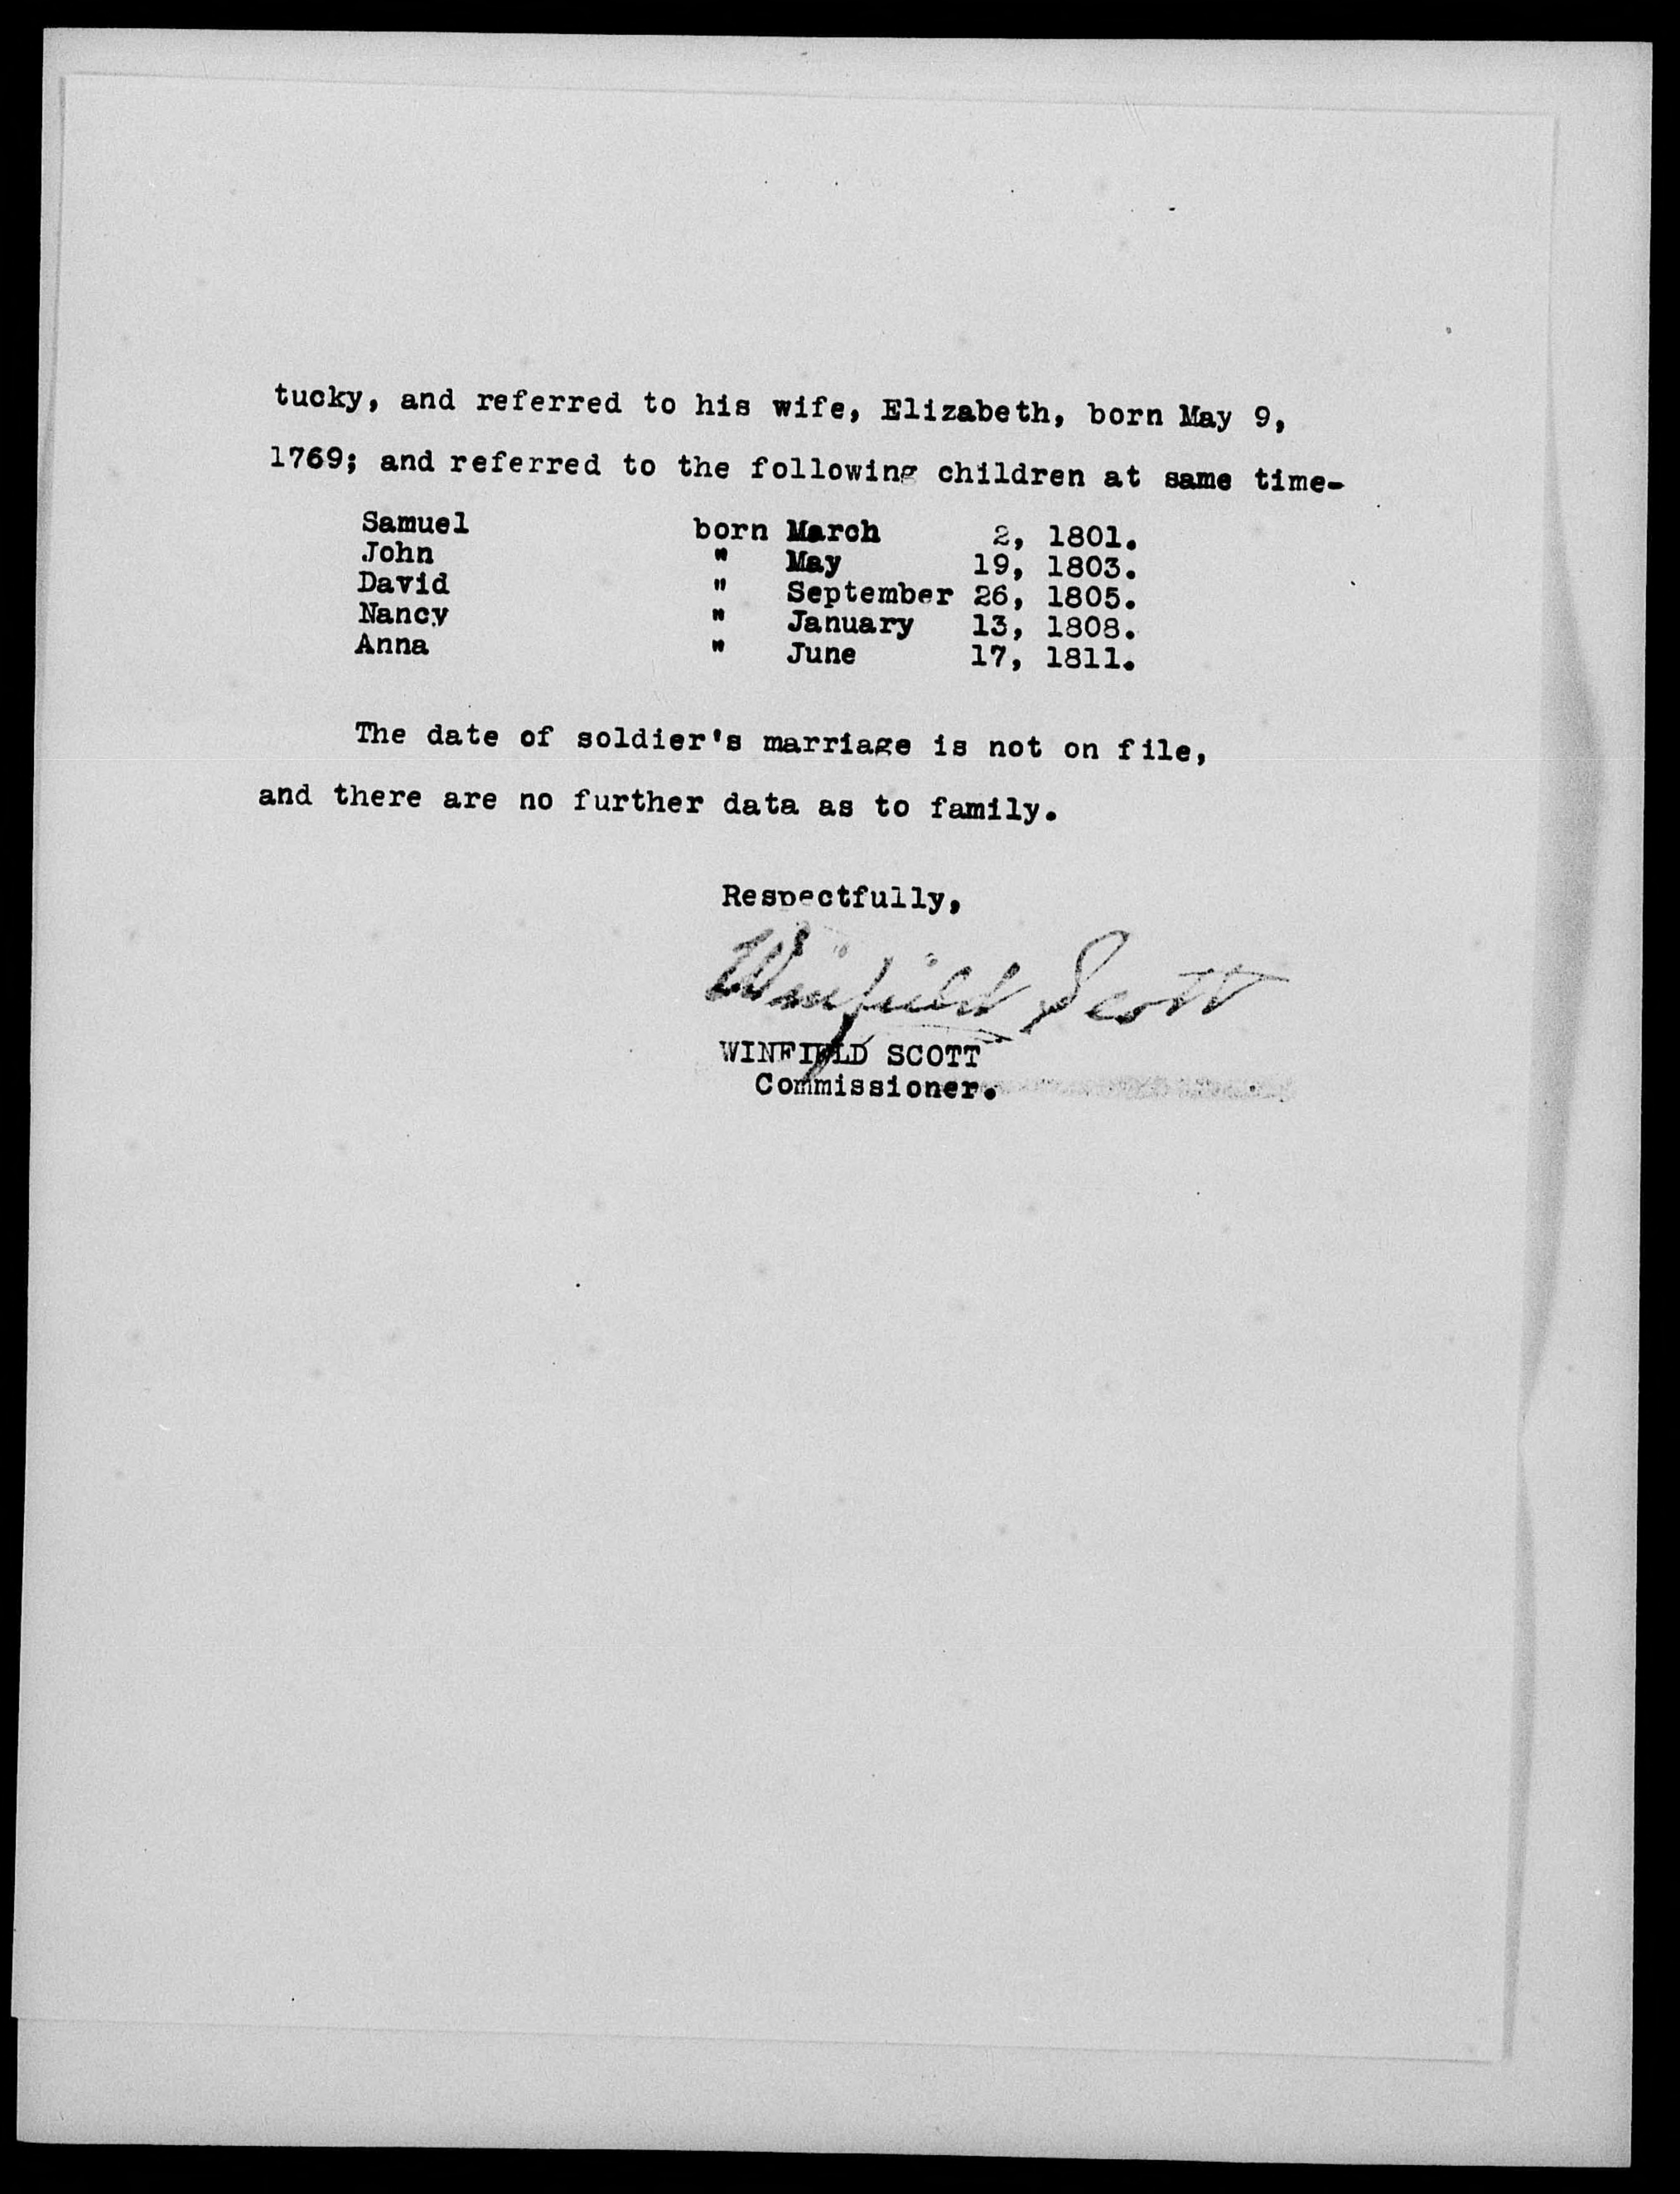Kentucky, and referred to his wife, Elizabeth, born May 9, 1769; and referred to the following children at same time-
Samuel born March 2, 1801.
John " May 19, 1803.
David " September 26, 1805.
Nancy " January 13, 1808.
Anna " June 17, 1811.
The date of soldier's marriage is not on file, and there are no further data as to family.
Respectfully,
Winfield Scott
WINFIELD SCOTT
Commissioner.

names: Samuel [BLANK]; Anna [BLANK]; Winfield Scott; David [BLANK]; John [BLANK]; Elizabeth [BLANK]; Nancy [BLANK]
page: 24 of 34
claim: survivor's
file: S. 36,051, for Samuel Luckett, Maryland